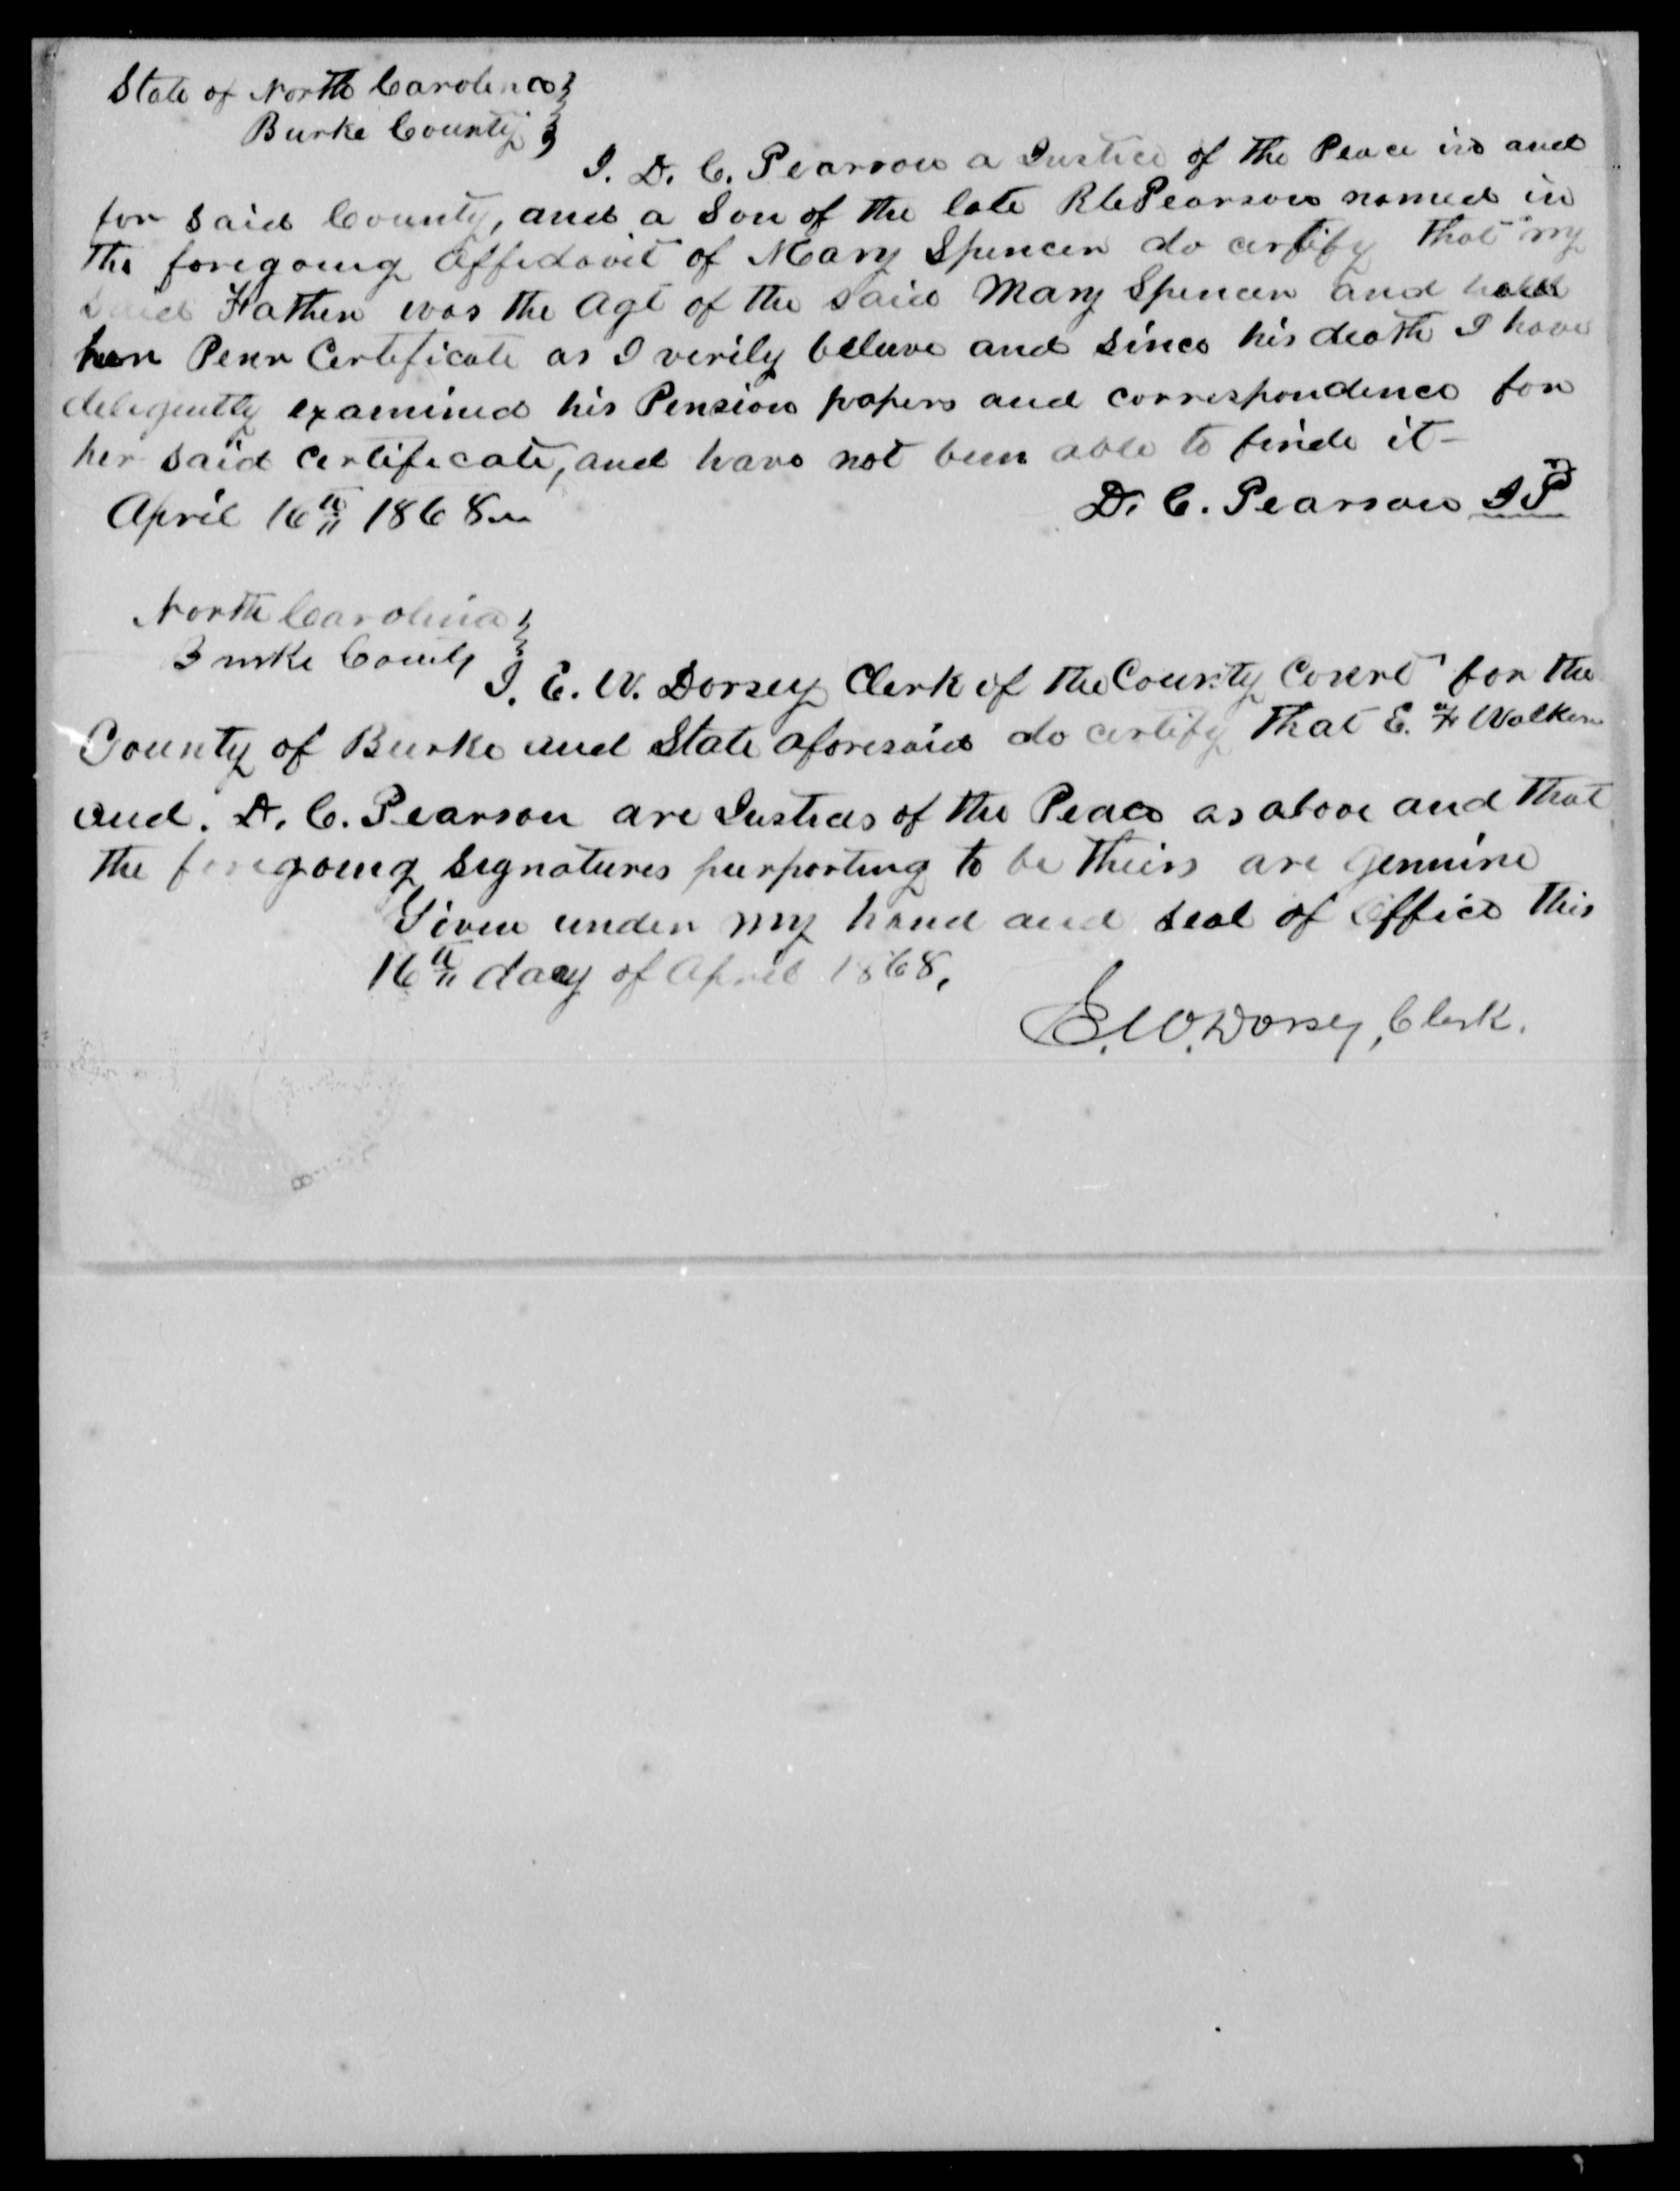State of North Carolina
Burke County ⎬
J. D. C. Pearson a Justice of the Peace in and
for said County, and a son of the late R C Pearson named in
the foregoing affidavit of Mary Spencer do certify that my
said Father was the agt. of the said Mary Spencer and held
her Penn Certificate as I verily believe and since his death I have
diligently examined his Pension papers and correspondence for
her said certificate, and have not been able to find it.
April 16th 1868
D.C. Pearson JP

North Carolina
Burke County
I. E. W. Dorsey Clerk of the County Court for the
County of Burke and State aforesaid do certify that E. F. Walker
and D.C. Pearson are Justices of the Peace as above and that the
foregoing signatures purporting to be theirs are genuine
Given under my hand and seal of Office this
16th day of April 1868.
E. W. Dorsey, Clerk.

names: Mary Spencer; D C Pearson; Mary Spencer; R C Pearson; E W Dorsey; E W Dorsey; D C Pearson; D C Spencer; E F Walker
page: 61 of 63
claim: widow's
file: W. 6158, for Benjamin Spencer, North Carolina